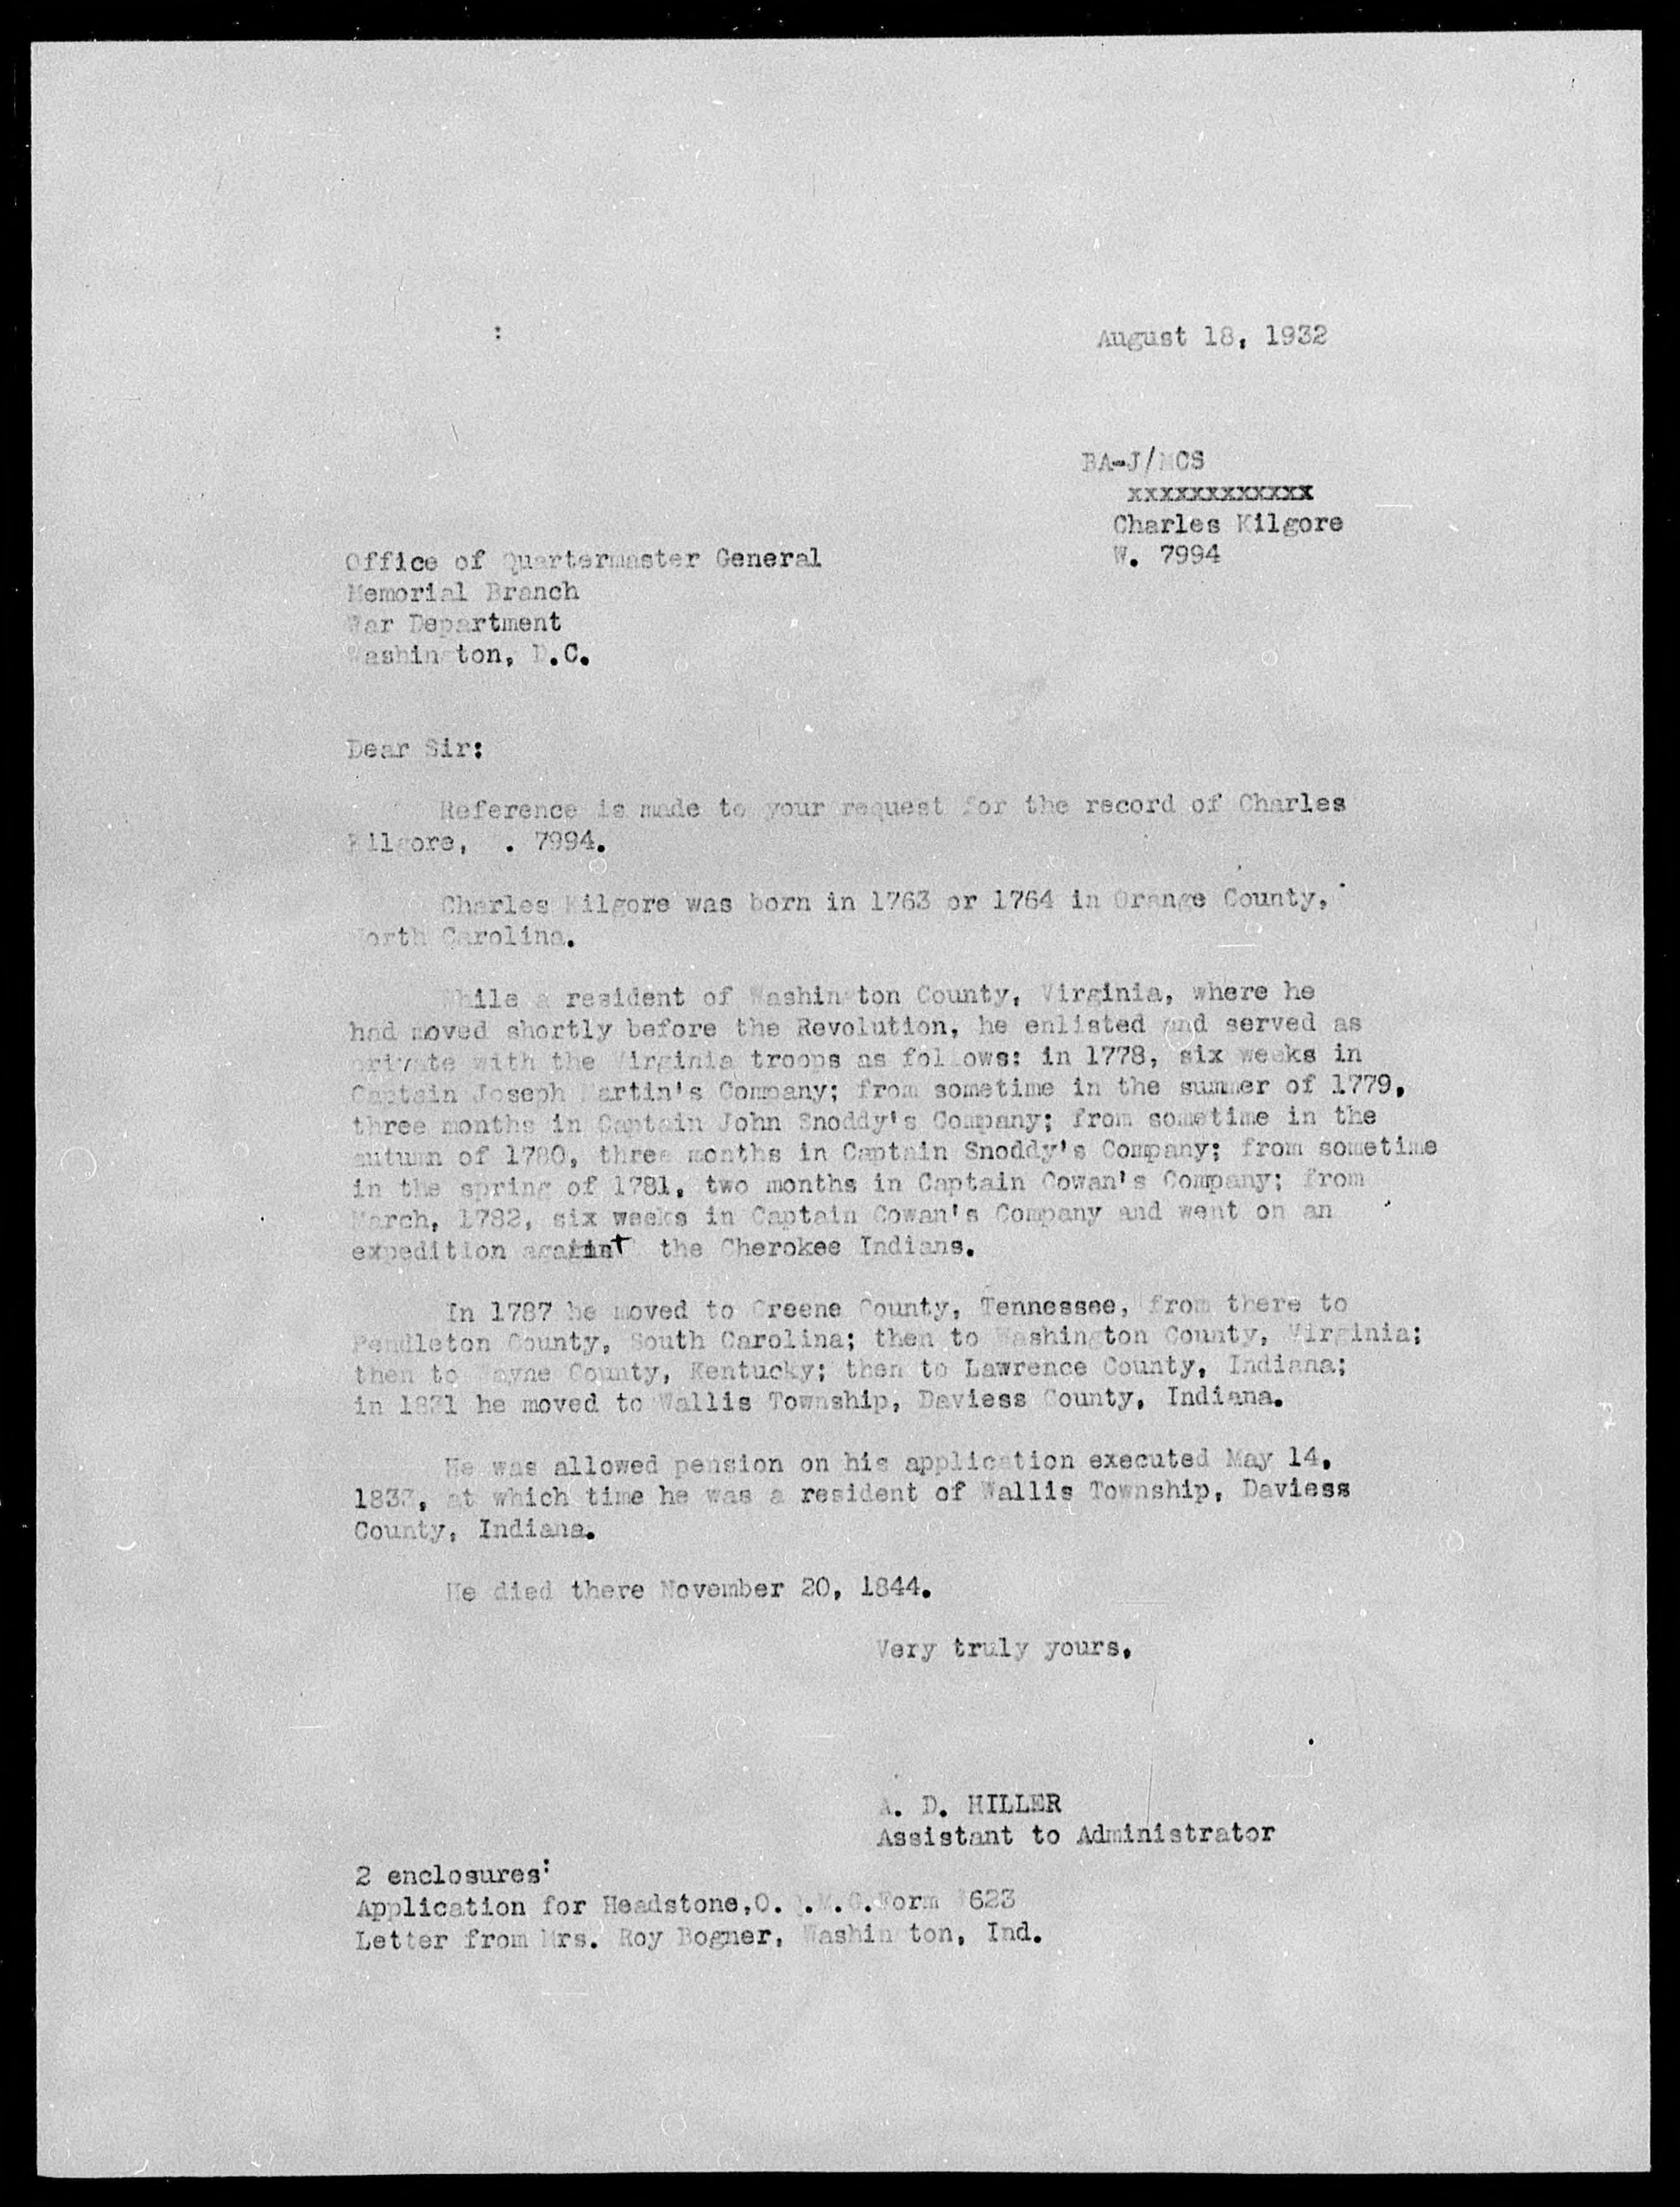August 18, 1932
BA-J/MCS
Charles Kilgore
W. 7994
Office of Quartermaster General
Memorial Branch
War Department
Washington, D.C.

Dear Sir:
Reference is made to your request for the record of Charles Kilgore, W. 7994.
Charles Kilgore was born in 1763 or 1764 in Orange County, North Carolina.
While resident of Washington County, Virginia, where he had moved shortly before the Revolution, he enlisted and served as private with the Virginia troops as follows: in 1778, six weeks in Captain Joseph Martin's Company; from sometime in the summer of 1779, three months in Captain John Snoddy's Company; from sometime in the autumn of 1780, three months in Captain Snoddy's Company; from sometime in the spring of 1781, two months in Captain Cowan's Company; from March, 1782, six weeks in Captain Cowan's Company and went on an expedition against the Cherokee Indians.
In 1787 he moved to Greene County, Tennessee, from there to Pendleton County, South Carolina; then to Washington County, Virginia; then to the County, Kentucky; then to Lawrence County, Indiana
in 1871 he moved to Wallis Township, Daviess County, Indiana.
He was allowed pension on his application executed May 14, 1832, at which time he was a resident of Wallis Township, Daviess County, Indiana.
He died there November 20, 1844.
Very truly yours,
A. D. HILLER
Assistant to Administrator

2 enclosures:
Application for Headstone, O.Q.M.G.Form 1623
Letter from Mrs. Roy Bogner, Washington, Ind.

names: A D Hiller; Charles Kilgore; Roy Bogner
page: 110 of 115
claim: survivor's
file: S. 699, for Charles Kilgore, Virginia